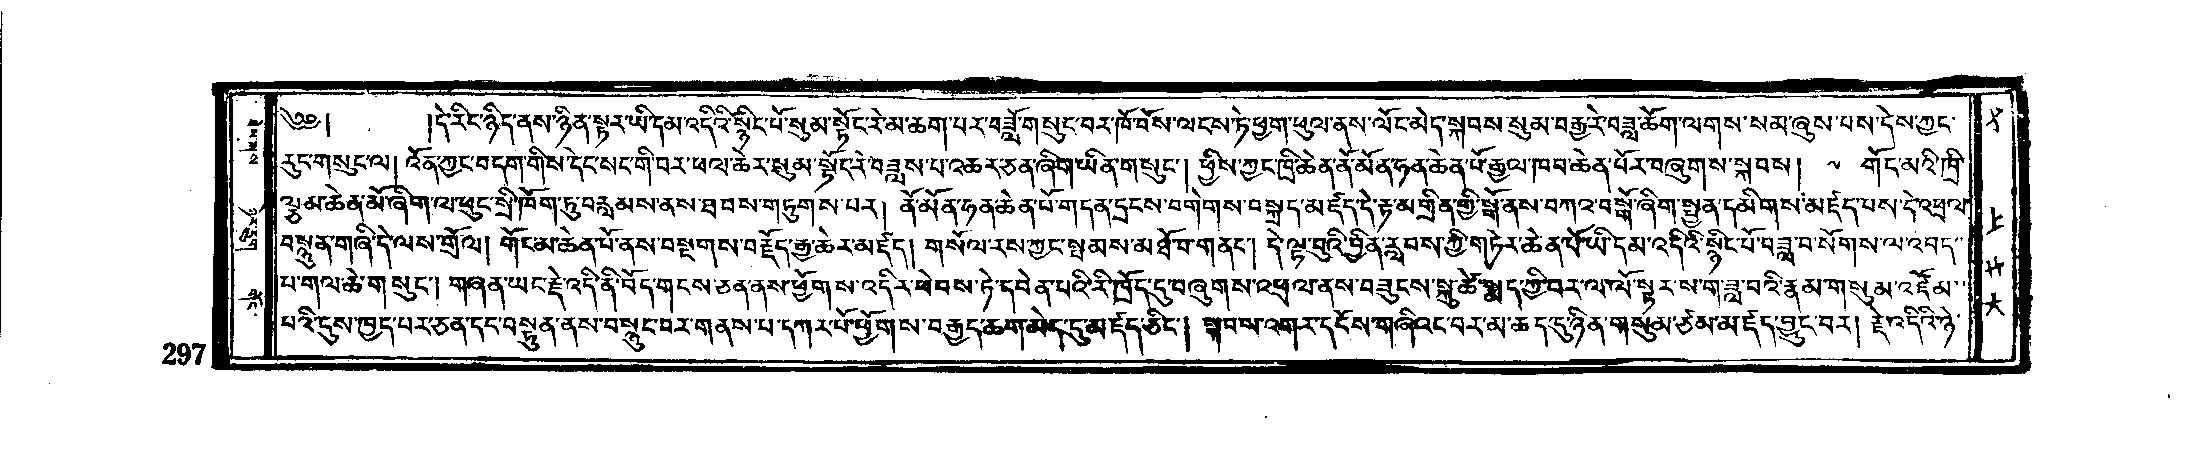༄༅། །དེ་རིང་ཉིད་ནས་ཉིན་སྟར་ཡི་དམ་འདིའི་སྙིང་པོ་སུམ་སྟོང་རེ་མ་ཆག་པར་བཟློ་གསུང་བར་ཁོ་བོས་ལངས་ཏེ་ཕྱག་ཕུལ་ནས་ལོང་མེད་སྐབས་སུམ་བརྒྱ་རེ་བཟླ་ཆོག་ལགས་སམ་ཞུས་པས་དེས་ཀྱང་
རུང་གསུང་ལ། འོན་ཀྱང་བདག་གིས་དེང་སང་གི་བར་ཕལ་ཆེར་སུམ་སྟོང་རེ་བཟླས་པ་འཆར་ཅན་ཞིག་ཡིན་གསུང་། ཕྱིས་ཀྱང་ཁྲི་ཆེན་ནོ་མོན་ཧན་ཆེན་པོ་རྒྱལ་ཁབ་ཆེན་པོར་བཞུགས་སྐབས། ༧་གོང་མའི་ཁྲི་
ལྕམ་ཆེན་མོ་ཞིག་ལ་ཕུང་སྲི་ཁོག་ཏུ་བརླམས་ནས་ཐབས་གཏུགས་པར། ནོ་མོན་ཧན་ཆེན་པོ་གདན་དྲངས་བགེགས་བསྐྲད་མཛད་དེ་རྟ་མགྲིན་གྱི་སྒོ་ནས་བཀའ་བསྒོ་ཞིག་སྤྱན་དམིགས་མཛད་པས་དེ་འཕྲལ་
བསྙུན་གཞི་དེ་ལས་གྲོལ། གོང་མ་ཆེན་པོ་ནས་བསྔགས་བརྗོད་རྒྱ་ཆེར་མཛད། གསོལ་རས་ཀྱང་སྤམས་མཐོ་བ་གནང་། དེ་ལྟ་བུའི་བྱིན་རླབས་ཀྱི་གཏེར་ཆེན་པོ་ཡི་དམ་འདིའི་སྙིང་པོ་བཟླ་བ་སོགས་ལ་འབད་
པ་གལ་ཆེ་གསུང་། གཞན་ཡང་རྗེ་འདི་ནི་བོད་གངས་ཅན་ནས་ཕྱོགས་འདིར་ཕེབས་ཏེ་དབེན་པའི་རི་ཁྲོད་དུ་བཞུགས་འཕྲལ་ནས་བཟུངས་སྐུ་ཚེ་སྨད་ཀྱི་བར་ལ་ལོ་སྟར་ས་ག་ཟླ་བའི་རྣམ་གསུམ་འཛོམ་
པའི་དུས་ཁྱད་པར་ཅན་དང་བསྟུན་ནས་བསྙུང་བར་གནས་པ་དཀར་པོ་ཕྱོགས་བརྒྱད་ཆག་མེད་དུ་མཛད་ཅིང་། སྐབས་འགར་དངོས་གཞིའང་བར་མ་ཆད་དུ་ཉིན་གསུམ་ཙམ་མཛད་བྱུང་བར། རྗེ་འདིའི་ཉེ་